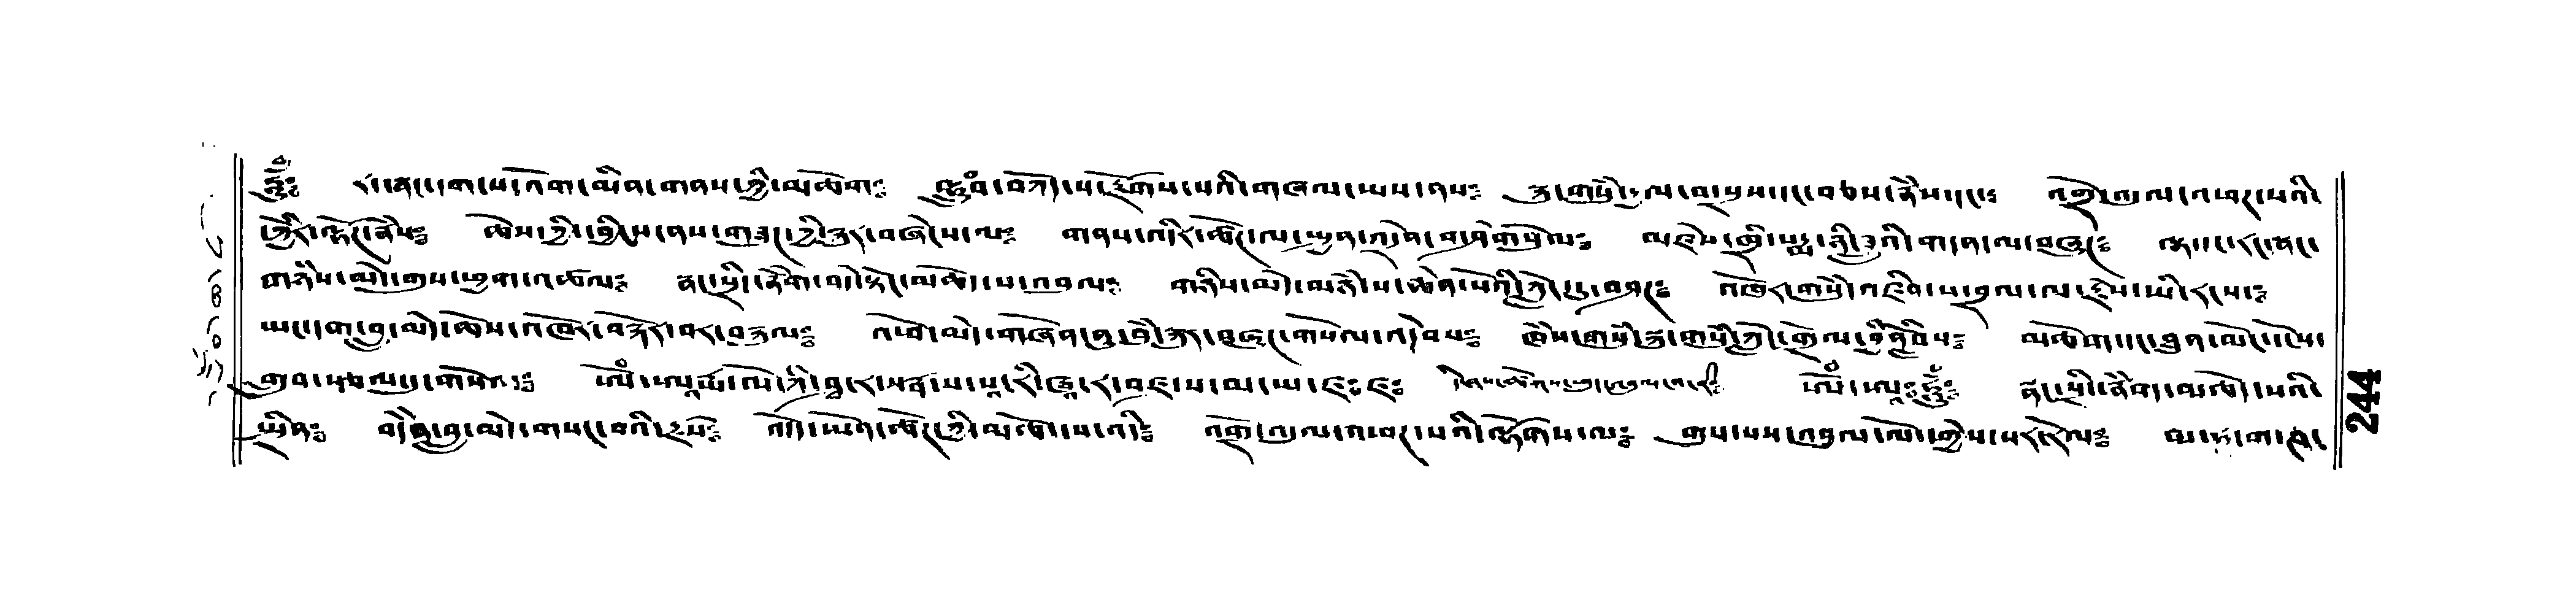ཧཱུྃ༔ རང་སྣང་དག་པ་འོག་མིན་གནས་ཀྱི་མཆོག༔ ལྷུན་གྲུབ་བཀོད་པ་རྫོགས་པའི་གཞལ་ཡས་ནས༔ སྐུ་གསུམ་རྒྱལ་བ་སྲས་དང་བཅས་རྣམས་དང༔ འགྲོ་འདུལ་འཕགས་པའི་
དཀྱིལ་འཁོར་ལྷ་ཚོགས་རྣམས༔ ཆོས་ཀྱི་དབྱིངས་ནས་གཟུགས་ཀྱི་སྐུར་བཞེངས་ལ༔ གནས་འདིར་ཚོགས་ལ་སྤྱན་འདྲེན་གཤེགས་སུ་གསོལ༔ མཛེས་ཁྲི་པདྨ་ཉི་ཟླའི་གདན་ལ་བཞུགས༔ ལྷ་དང་རང་སྣང་
གཉིས་མེད་གུས་ཕྱག་འཚལ༔ སྣང་སྲིད་རྣམ་དག་བདེ་སྟོང་མཆོད་པ་འབུལ༔ གཉིས་མེད་མཉམ་པ་ཆེན་པོའི་ཀློང་དུ་བཤགས༔ འཁོར་གསུམ་འཛིན་པ་བྲལ་ལ་རྗེས་ཡི་རངས༔ 
ཡང་དག་བླ་མེད་ཆོས་འཁོར་བསྐོར་བར་བསྐུལ༔ འཕོ་མེད་གཞོན་ནུ་བུམ་སྐུར་བཞུགས་གསོལ་འདེབས༔ ཁམས་གསུམ་སྐུ་གསུམ་ཀློང་གྲོལ་བྱིན་གྱིས་རློབས༔ མཆོག་དང་ཐུན་མོང་དངོས་
གྲུབ་བསྩལ་དུ་གསོལ༔ ཨོཾ་ཨཱརྻ་ལོ་ཀི་ཤྭ་ར་སརྦ་ས་པཱ་རི་ཝཱ་ར་བཛྲ་ས་མ་ཡ་ཛཿཛཿ དེ་ནས་ཚོགས་ཕུད་འབུལ་བ་ནི༔ ཨོཾ་ཨཱཿཧཱུྃ༔ སྣང་སྲིད་རྣམ་དག་མཆོད་པའི་
སྤྲིན༔ བདེ་ཆེན་བླ་མེད་གསང་བའི་རྫས༔ འདོད་ཡོན་ཚོགས་ཀྱི་མཆོད་པ་འདི༔ འགྲོ་འདུལ་འཕགས་པའི་ལྷ་ཚོགས་ལ༔ གུས་པས་འབུལ་ལོ་དགྱེས་པར་རོལ༔ མ་ཧཱ་ག་ཎ་